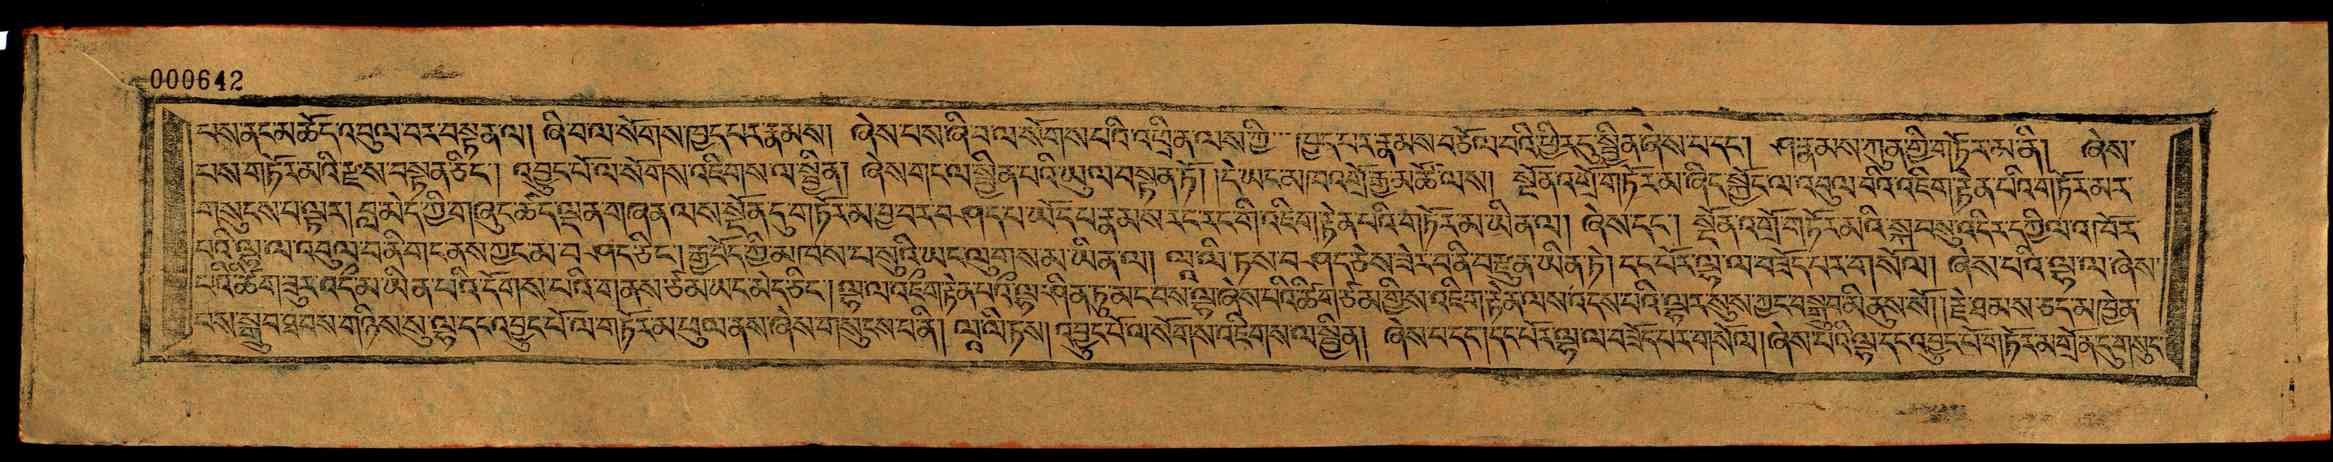པས་ནང་མཆོད་འབུལ་བར་བསྟན་ལ། ཞི་བ་ལ་སོགས་ཁྱད་པར་རྣམས། ཞེས་པས་ཞི་བ་ལ་སོགས་པའི་འཕྲིན་ལས་ཀྱི་ཁྱད་པར་རྣམས་བཅོལ་བའི་ཕྱིར་དུ་སྦྱིན་ཞེས་པ་དང་། ཤ་རྣམས་ཀུན་གྱི་གཏོར་མ་ནི། ཞེས་
པས་གཏོར་མའི་རྫས་བསྟན་ཅིང་། འབྱུང་པོ་ལ་སོགས་འཇིགས་ལ་སྦྱིན། ཞེས་གང་ལ་སྦྱིན་པའི་ཡུལ་བསྟན་ཏོ། །དེ་ཡང་མཁའ་འགྲོ་རྒྱ་མཚོ་ལས། སྔོན་འགྲོ་གཏོར་མ་ཞིང་སྐྱོང་ལ་འབུལ་བའི་འཇིག་རྟེན་པའི་གཏོར་མར་
གསུངས་པ་ལྟར། བླ་མེད་ཀྱི་གཞུང་ཚད་ལྡན་གཞན་ལས་སྔོན་དུ་གཏོར་མ་བྱ་བར་བཤད་པ་ཡོད་པ་རྣམས་རང་རང་གི་འཇིག་རྟེན་པའི་གཏོར་མ་ཡིན་ལ། ཞེས་དང་། སྔོན་འགྲོ་གཏོར་མའི་སྐབས་སུ་འདིར་དཀྱིལ་འཁོར་
པའི་ལྷ་ལ་འབུལ་བ་ནི་གང་ནས་ཀྱང་མ་བཤད་ཅིང་། རྒྱ་བོད་ཀྱི་མཁས་པ་སུའི་ཡང་ལུགས་མ་ཡིན་ལ། ལཱ་ལི་ཏས་བཤད་ཅེས་ཟེར་བ་ནི་བརྫུན་ཡིན་ཏེ། དང་པོར་ལྷ་ལ་བཟོད་པར་གསོལ། ཞེས་པའི་ལྷ་ལ་ཞེས་
བའི་ཚིག་ཟུར་འདི་མ་ཡིན་པའི་དོགས་པའི་གནས་ཙམ་ཡང་མེད་ཅིང་། ལྷ་ལ་འཇིག་རྟེན་པའི་ལྷ་ཤིན་ཏུ་མང་བས་ལྷ་ཞེས་པའི་ཚིག་ཙམ་གྱིས་འཇིག་རྟེན་ལས་འདས་པའི་ལྷར་སུས་ཀྱང་བསྒྲུབ་མི་ནུས་སོ། །རྗེ་ཐམས་ཅད་མཁྱེན་
པས་སྒྲུབ་ཐབས་གཉིས་སུ་ལྷ་དང་འབྱུང་པོ་ལ་གཏོར་མ་ཕུལ་ནས་ཞེས་གསུངས་པ་ནི། ལཱ་ལི་ཏས། འབྱུང་པོ་ལ་སོགས་འཇིགས་ལ་སྦྱིན། ཞེས་པ་དང་། དང་པོར་ལྷ་ལ་བཟོད་པར་གསོལ། ཞེས་པའི་ལྷ་དང་འབྱུང་པོ་གཏོར་མགྲོན་དུ་གསུངས་